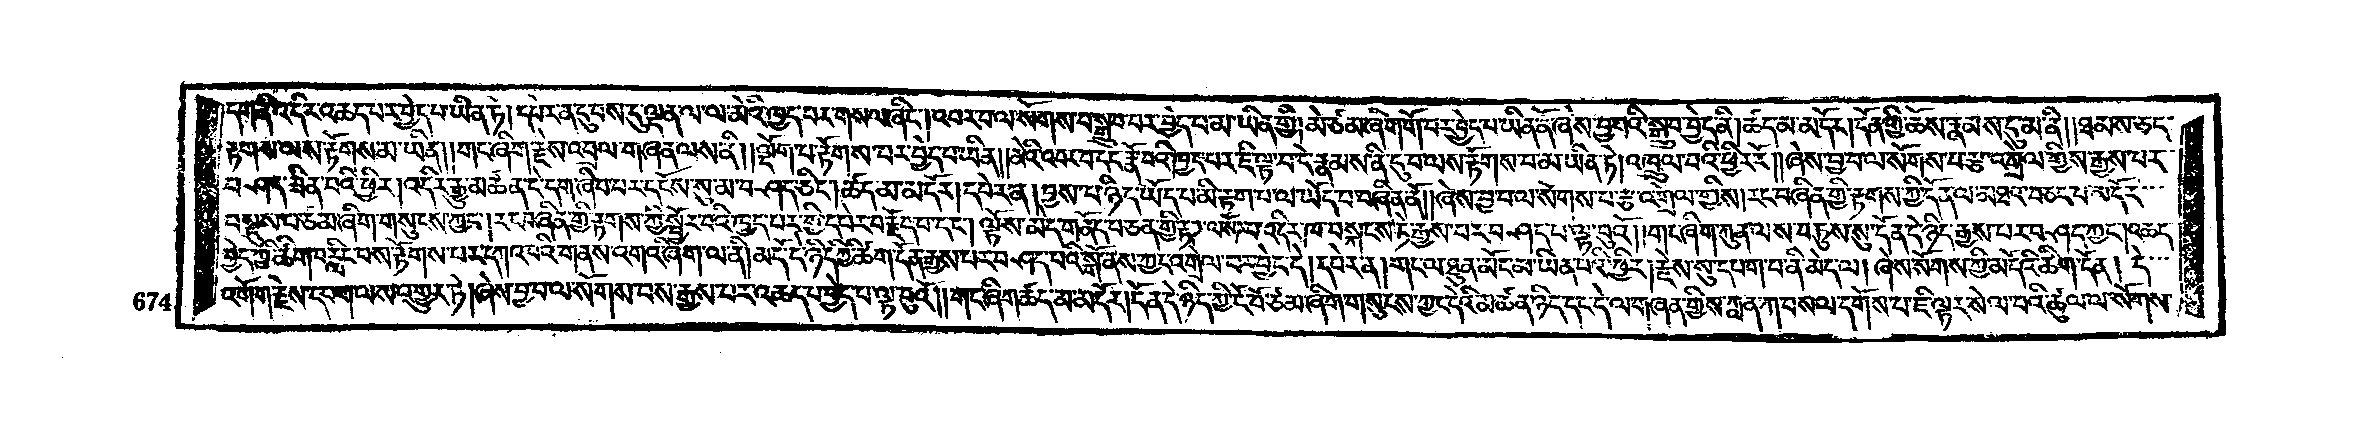དག་ནི་འདིར་འཆད་པར་བྱེད་པ་ཡིན་ཏེ། དཔེར་ན་དུ་བས་དུ་ལྡན་ལ་ལ་མེའི་ཁྱད་པར་གསལ་ཞིང་། འབར་བ་ལ་སོགས་པ་སྒྲུབ་པར་བྱེད་པ་མ་ཡིན་གྱི། མེ་ཙམ་ཞིག་གོ་བར་བྱེད་པ་ཡིན་ནོ་ཞེས་བྱ་བའི་སྒྲུབ་བྱེད་ནི། ཚད་མ་མདོར། དོན་གྱི་ཆོས་རྣམས་དུ་མ་ནི། །ཐམས་ཅད་
རྟགས་ལས་རྟོགས་མ་ཡིན། །གང་ཞིག་རྗེས་འབྲལ་གཞན་ལས་ནི། །ལྡོག་པ་རྟོགས་པར་བྱེད་པ་ཡིན། །མེའི་འབར་བ་དང་རྣོ་བའི་ཁྱད་པར་ཇི་ལྟ་བ་དེ་རྣམས་ནི་དུ་བ་ལས་རྟོགས་པ་མ་ཡིན་ཏེ། འཁྲུལ་བའི་ཕྱིར་རོ། །ཞེས་བྱ་བ་ལ་སོགས་པ་རྩ་འགྲེལ་གྱིས་རྒྱས་པར་
བཤད་ཟིན་པའི་ཕྱིར། འདིར་རྒྱུ་མཚན་དེ་དག་ཞིབ་པར་དངོས་སུ་མ་བཤད་ཅིང་། ཚད་མ་མདོར། དཔེར་ན། བྱས་པ་ཉིད་ཡོད་པ་མི་རྟག་པ་ལ་ཡོད་པ་བཞིན་ནོ། །ཞེས་བྱ་བ་ལ་སོགས་པ་རྩ་འགྲེལ་གྱིས། རང་བཞིན་གྱི་རྟགས་ཀྱི་དོན་ལ་མཐའ་བཅད་པ་མདོར་
བསྡུས་པ་ཙམ་ཞིག་གསུངས་ཀྱང་། རང་བཞིན་གྱི་རྟགས་ཀྱི་སྦྱོར་བའི་ཁྱད་པར་གྱི་དཔེར་བརྗོད་པ་དང་། ལྟོས་མེད་གནོད་པ་ཅན་གྱི་རྟགས་ལ་སོགས་པ་འདིར་ཁ་བསྐངས་ཏེ་རྒྱས་པར་བཤད་པ་ལྟ་བུའོ། །གང་ཞིག་ཀུན་ལས་བཏུས་སུ་དོན་དེ་ཉིད་རྒྱས་པར་བཤད་ཀྱང་། འཆད་
བྱེད་ཀྱི་ཚིག་བརླིང་བས་རྟོགས་པར་དཀའ་བའི་གནས་འགའ་ཞིག་ལ་ནི། མདོ་དེ་ཉིད་ཀྱི་ཚིག་དོན་རྒྱས་པར་བཤད་པའི་སྒོ་ནས་ཀྱང་འགྲེལ་བར་བྱེད་དེ། དཔེར་ན། གང་ལ་ཐུན་མོང་མ་ཡིན་པའི་ཕྱིར། རྗེས་སུ་དཔག་པ་ནི་མེད་ལ། ཞེས་སོགས་ཀྱི་མདོའི་ཚིག་དོན། དེ་
འགོག་རྗེས་དཔག་ལས་འགྱུར་ཏེ། ཞེས་བྱ་བ་ལ་སོགས་པས་རྒྱས་པར་འཆད་པ་བྱེད་པ་ལྟ་བུའོ། །གང་ཞིག་ཚད་མ་མདོར། དོན་དེ་ཉིད་ཀྱི་ངོ་བོ་ཙམ་ཞིག་གསུངས་ཀྱང་དེའི་མཚན་ཉིད་དང་དེ་ལ་གཞན་གྱིས་ཀླན་ཀ་བསལ་དགོས་པ་ཇི་ལྟར་སེལ་བའི་ཚུལ་ལ་སོགས་